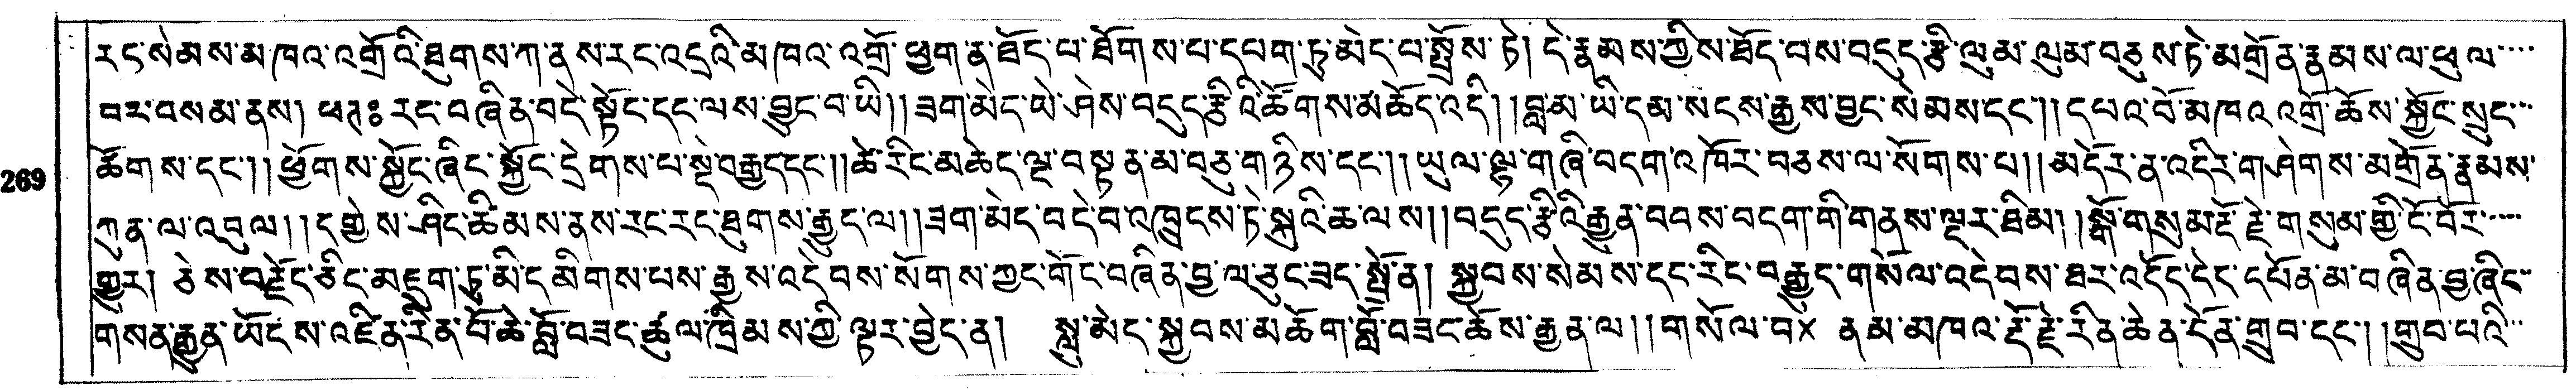རང་སེམས་མཁའ་འགྲོའི་ཐུགས་ཀ་ནས་རང་འདྲའི་མྷའ་འགྲོ་ཕྱག་ན་ཐོད་པ་ཐོགས་པ་དཔག་ཏུ་མེད་པ་སྤྲོས་ཏེ། དེ་རྣམས་ཀྱིས་ཐོད་བས་བདུད་རྩི་ལུམ་ལུམ་བཅུས་ཏེ་མགྲོན་རྣམས་ལ་ཕུལ་
བར་བསམ་ནས། ཕཊཿ རང་བཞིན་བདེ་སྟོང་དང་ལས་བྱུང་བ་ཡི། །ཟག་མེད་ཡེ་ཤེས་བདུད་རྩིའི་ཚོགས་མཆོད་འདི། །བླ་མ་ཡི་དམ་སངས་རྒཡས་བྱང་སེམས་དང་། དཔའ་བོ་མྷའ་འགྲོ་ཆོས་སྐྱོང་སྲུང་
ཚོགས་དང་། །ཕྱོགས་སྐྱོང་དྲེགས་པ་སྡེ་བརྒྱད་དང་། །ཚེ་རིང་མཆེད་ལྔ་བསྟན་མ་བཅུ་གཉིས་དང་། །ཡུལ་ལྷ་གཞི་བདག་འཁོར་བཅས་ལ་སོགས་པ། །མདོར་ན་འདིར་གཤེགས་འགྲོན་རྣམས་
ཀུན་ལ་འབུལ། །དགྱེས་ཤིང་ཚིམས་ནས་རང་རང་ཐུགས་རྒྱུད་ལ། །ཟག་མེད་བདེ་བ་འཁྲུངས་ཏེ་སྐུའི་ཆ་ལས། །བདུད་ཙིའི་རྒྱུན་བབས་བདག་གི་གནས་སྔར་ཐིམ། །སྒོ་གསུམ་རྡོ་རྗེ་གསུམ་གྱི་ངོ་བོར་
གྱུར། ཅེས་བརྗོད་ཅིང་མཇུག་ཏུ་མི་དམིགས་པས་རྒྱས་འདེབས་སོགས་ཀྱང་གོང་བཞིན་བྱ་ལ་ཅུང་ཟད་སྤྲོ་ན། སྐྱབས་སེམས་དང་རིང་བརྒྱད་གསོལ་འདེབས་ཐར་འདོད་དེད་དཔོན་མ་བཞིན་བྱ་ཞིང་
གསན་རྒྱུན་ཡོངས་འཛིན་རིན་པོ་ཆེ་བློ་བཟང་སུལ་ཁྲིམས་ཀྱི་ལྟར་བྱེད་ན། སླུ་མེད་སྐྱབས་མཆོག་བློ་བཟང་ཆོས་རྒྱན་ལ། །གསོལ་བ་྾་ནམ་མཁའ་རྡོ་རྗེ་རིན་ཆེན་དོན་གྲུབ་དང་། །གྲུབ་པའི་